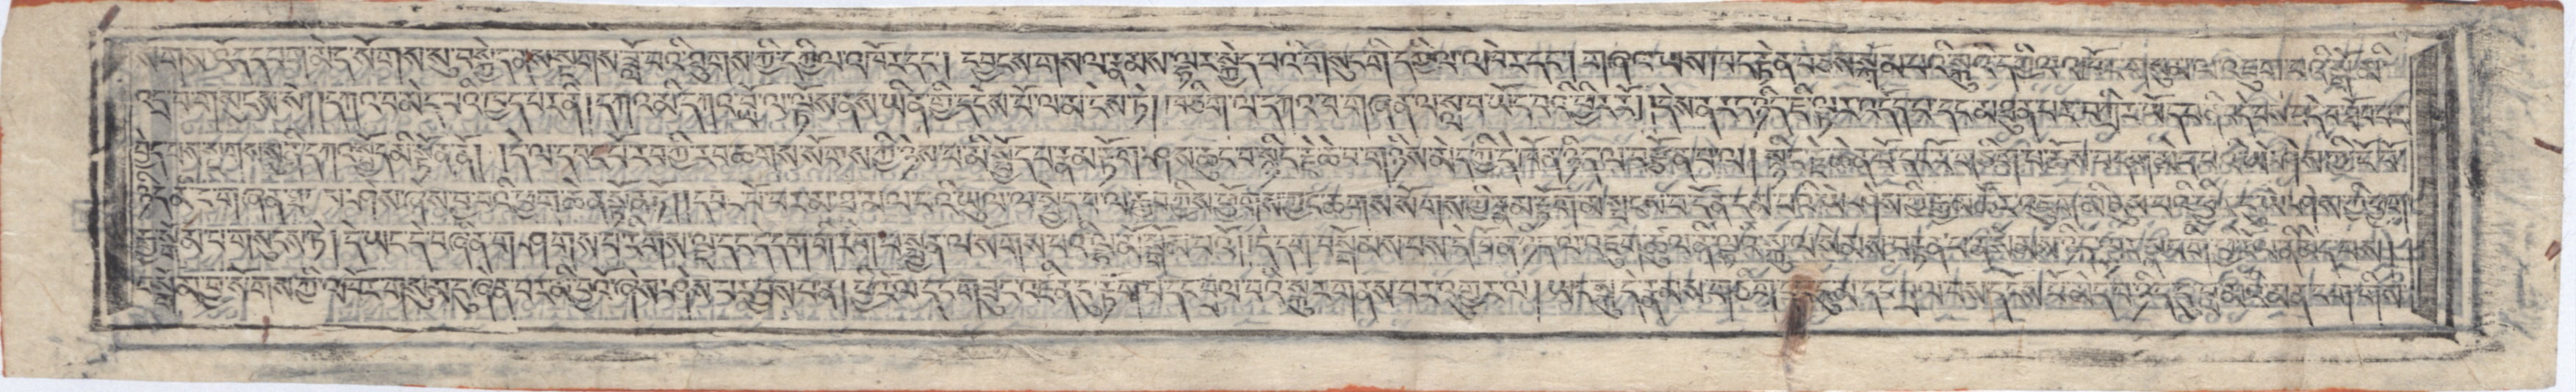སོགས་འོད་དཔག་མེད་སོགས་སུ་བསྐྱེད་ནས་སྔགས་ཟློ་བའི་ཐུགས་ཀྱི་དཀྱིལ་འཁོར་དང་། དབྱངས་གསལ་རྣམས་ལྷར་སྐྱེད་པའི་གསུང་གི་དཀྱིལ་འཁོར་དང་། གཞལ་ཡས་ཁང་རྟེན་བཅས་སྒོམ་པའི་སྐུའི་དཀྱིལ་འཁོར་གསུམ་ལ་འཇུག་པའི་སྒོ་མི་
འདྲ་བ་གསུངས་སོ། །དཀའ་བ་མེད་པའི་ཁྱད་པར་ནི། དཀའ་མི་དཀའ་བློ་ལ་ལྟོས་ནས་ཡིན་གྱི་དངོས་པོ་ལ་མ་ངེས་ཏེ། ཁ་ཅིག་ལ་དཀའ་བ་གཞན་ལ་སླ་བ་ཡོད་པའི་ཕྱིར་རོ། །དེས་ན་རང་ཉིད་ཇི་ལྟར་འདོད་པ་དང་མཐུན་པར་བཀྲིར་ཡོད་པ་ནི་བདེ་བས་བདེ་བ་ཐོབ་པར་
བྱེད་པས་སྔགས་སུ་ནི་དཀའ་སྤྱོད་མི་སྟོན་ནོ། །དེ་ལ་དབང་པོ་རབ་ཀྱི་རབ་ཆགས་སོགས་ཀྱི་ཉེས་པ་མི་སྤྱོད་པ་རྣམ་རྟོག་ཤས་ཆུང་བ་སྙིང་རྗེ་ཆེ་བ་གཉིས་མེད་ཀྱི་དེ་ཁོ་ན་ཉིད་ལ་བརྩོན་པ་ལ། སྙིང་རྗེ་ཆེན་པོ་དང་རོ་གཅིག་པ་ཆོས་བདག་མེད་པའི་ཡེ་ཤེས་ཀྱི་ངོ་བོ་
ཉིད་མིང་གཞན་ཐབས་ཤེས་ཞེས་བྱ་བའི་ཕྱག་ཆེན་སྟོན་ཏོ། །དབང་པོ་བར་མ་ཐ་མལ་པའི་ཡུལ་ལ་སྤྱོད་པ་ལ་རྒྱབ་ཀྱིས་ཕྱོགས་ཀྱང་ཆགས་སོགས་ཀྱི་རྣམ་རྟོག་མ་སྤངས་པ་དོན་དམ་པའི་ཡེ་ཤེས་ཀྱི་རྒྱ་མཚོར་འཇུག་མི་ནུས་པའི་ཕྱིར་དུ་ཡེ་ཤེས་ཀྱི་ཕྱག་
རྒྱ་སྒོམ་པ་གསུངས་ཏེ། དེ་ཡང་དེ་བཞིན་གཤེགས་པ་རིགས་ལྔ་དང་དེ་དག་གི་རིག་པ་སྤྱན་ལ་སོགས་པའི་ལྷ་མོ་སྒོམ་པའོ། །དེ་དག་བསྒོམས་པས་དེ་ཁོ་ན་ཉིད་ལ་འཇུག་ཚུལ་ནི་ལྷའི་སྐུ་ལ་སེམས་བརྟན་པ་ན་སེམས་ཉིད་ལྷར་སྣང་གི་ཕྱི་རོལ་ནི་མེད་པས། །
བསྒོམ་བྱ་སོགས་ཀྱི་འཁོར་གསུམ་དུ་ཞེན་པར་མི་བྱའོ་ཞེས་ཤེས་པར་བྱས་པ་ན། ཕྱི་རོལ་དང་གཟུང་འཛིན་དུ་རྟོག་པ་དང་བྲལ་བའི་སྐུར་གནས་པར་འགྱུར་ལ། ཡང་སྐུ་དེ་རྣམས་གཅིག་དང་དུ་མ་དང་བྲལ་བས་དངོས་པོ་མེད་པ་ཉིད་དུ་བླ་མའི་མན་ངག་གིས་